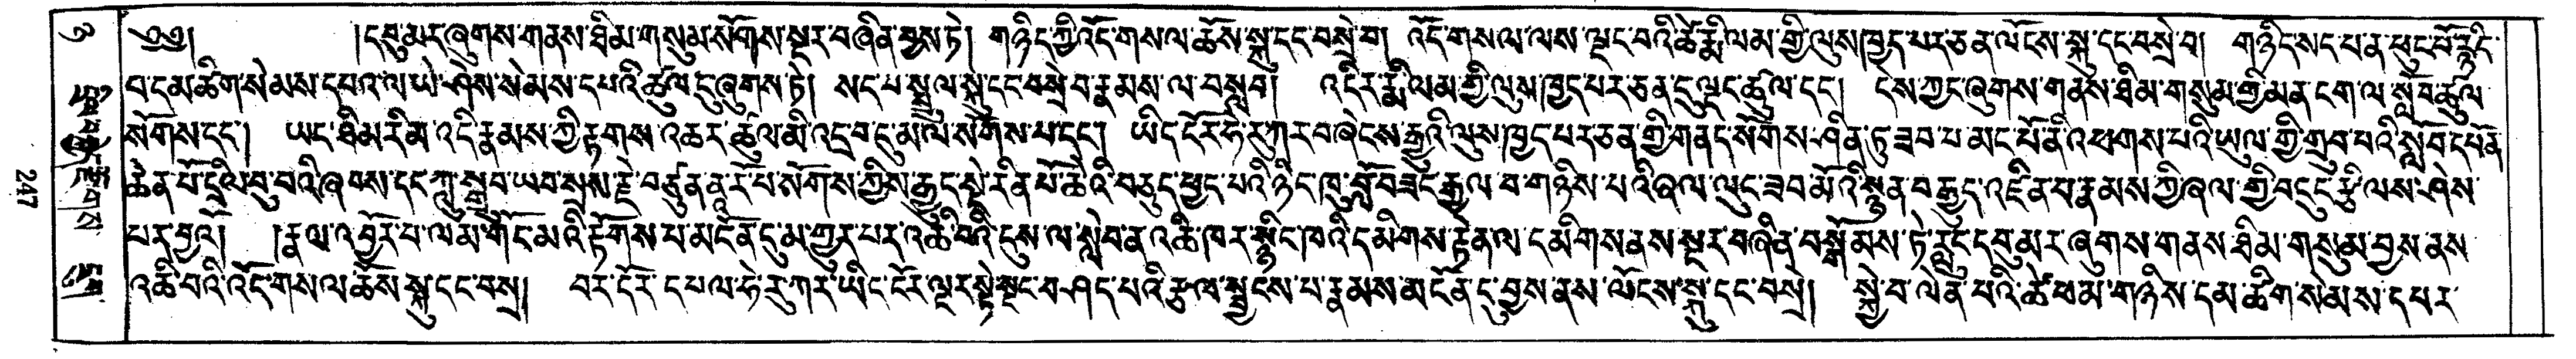༄༅། །དབུ་མར་ཞུགས་གནས་ཐིམ་གསུམ་སོགས་སྔར་བཞིན་བྱས་ཏེ། གཉིད་ཀྱི་འོད་གསལ་ཆོས་སྐུ་དང་བསྲེ་བ། འོད་གསལ་ལས་ལྡང་བའི་ཚེ་རྨི་ལམ་གྱི་ལུས་ཁྱད་པར་ཅན་ལོངས་སྐུ་དང་བསྲེ་བ། གཉིད་སད་པན་ཕུང་པོ་རྙིང་
པ་དམ་ཚིག་སེམས་དཔའ་ལ་ཡེ་ཤེས་སེམས་དཔའི་ཚུལ་དུ་ཞུགས་ཏེ། སད་པ་སྤྲུལ་སྐུ་དང་བསྲེ་བ་རྣམས་ལ་བསླབ། འདིར་རྨི་ལམ་གྱི་ལུས་ཁྱད་པར་ཅན་དུ་ལྡན་ཚུལ་དང་། དེས་ཀྱང་ཞུགས་གནས་ཐིམ་གསུམ་གྱི་མན་ངག་ལ་སློབ་ཚུལ་
སོགས་དང་། ཡང་ཐིམ་རིམ་འདི་རྣམས་ཀྱི་རྟགས་འཆར་ཚུལ་མི་འདྲ་བ་དུ་མ་ལ་སོགས་པ་དང་། ཡིད་ངོར་ཧེ་རུ་ཀར་བཞེངས་རྒྱུའི་ལུས་ཁྱད་པར་ཅན་གྱི་གནད་སོགས་ཤིན་ཏུ་ཟབ་པ་མང་པོ་ནི་འཕགས་པའི་ཡུལ་གྱི་གྲུབ་པའི་སློབ་དཔོན་
ཆེན་པོ་དྲིལ་བུ་པའི་ཞབས་དང་ཀླུ་སྒྲུབ་ཡབ་སྲས་རྗེ་བཙུན་ནཱ་རོ་པ་སོགས་ཀྱིས་རྒྱུད་སྡེ་རིན་པོ་ཆེའི་བཅུད་ཕྱུང་བའི་ཉིང་ཁུ་བློ་བཟང་རྒྱལ་བ་གཉིས་པའི་ཞལ་ལུང་ཟབ་མོའི་སྙན་བརྒྱུད་འཛིན་པ་རྣམས་ཀྱི་ཞལ་གྱི་བདུད་རྩི་ལས་ཤེས་
པར་བྱའོ། །རྣལ་འབྱོར་པ་ལམ་གོང་མའི་རྟོགས་པ་མངོན་དུ་མ་གྱུར་པར་འཆི་བའི་དུས་ལ་སླེབ་ན་འཆི་ཁང་སྙིང་ཁའི་དམིགས་རྟེན་ལ་དམིགས་ནས་སྔར་བཞིན་བསྒོམས་ཏེ་རླུང་དབུ་མར་ཞུགས་གནས་ཐིམ་གསུམ་བྱས་ནས་
འཆི་བའི་འོད་གསལ་ཆོས་སྐུ་དང་བསྲེ། བར་དོར་དཔལ་ཧེ་རུ་ཀར་ཡིད་དོར་ལྡང་སྟེ་སྔར་བཤད་པའི་རྩལ་སྦྱངས་པ་རྣམས་མངོན་དུ་བྱས་ནས་ལོངས་སྐུ་དང་དང་བསྲེ། སྐྱེ་བ་ལེན་པའི་ཚེ་ཕ་མ་གཉིས་དམ་ཚིག་སེམས་དཔར་